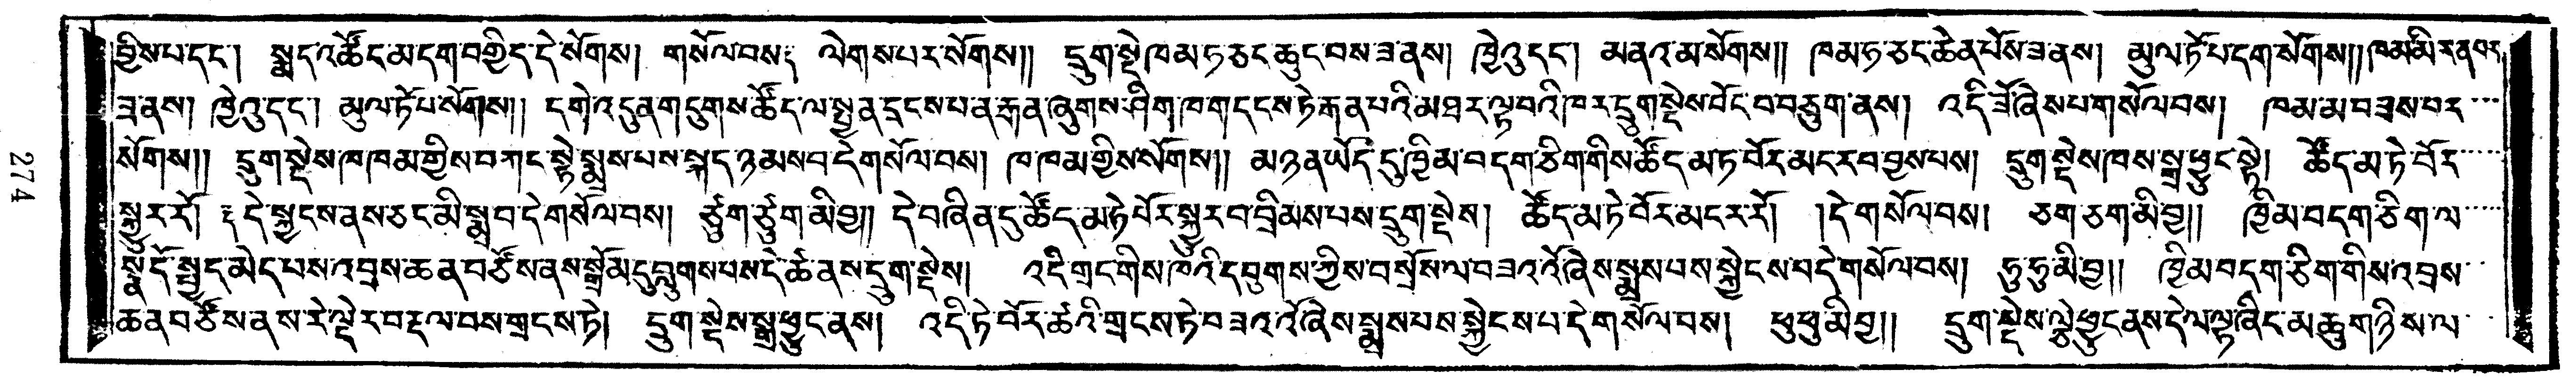བྱིས་པ་དང་། སྨད་འཚོང་མ་དག་བགྱིད་དེ་སོགས། གསོལ་བས༑ ལེགས་པར་སོགས།། དྲུག་སྡེ་ཁམ་ཧ་ཅང་ཆུང་བས་ཟ་ནས། ཁྱེའུ་དང་། མནའ་མ་སོགས།། ཁམ་ཧ་ཅང་ཆེན་པོས་ཟ་ནས། མུལ་ཏོ་པ་དག་སོགས། །ཁམ་མིར་ན་བར་
ཟ་ནས། ཁྱེའུ་དང་། མུལ་ཏོ་པ་སོགས།། དགེ་འདུན་གདུགས་ཚོད་ལ་སྤྱན་དྲངས་པ་ན་རྒན་ཞུགས་ཤིག་ཁ་གདངས་ཏེ་རྒན་པའི་མཐར་ལྟ་བའི་ཁར་དྲུག་སྡེས་བོང་བ་བཅུག་ནས། འདི་ཟོ་ཞེས་པ་གསོལ་བས། ཁམ་མ་བཟས་པར་
སོགས།། དྲུག་སྡེས་ཁ་ཁམ་གྱིས་བཀང་སྟེ་སྨྲས་པས་སྐད་ཉམས་བ་དེ་གསོལ་བས། ཁ་ཁམ་གྱིས་སོགས།། མཉན་ཡོད་དུ་ཁྱིམ་བདག་ཅིག་གིས་ཚོད་མ་ཏ་བོར་མང་རབ་བྱས་པས། དྲུག་སྡེས་ཁས་སྒྲ་ཕྱུང་སྟེ། ཚོད་མ་ཏེ་བོར་
སྐྱུར་རོ། ༑དེ་སྐྱངས་ནས་ཅང་མི་སྨྲ་བ་དེ་གསོལ་བས། ཙུག་ཙུག་མི་བྱ།། དེ་བཞིན་དུ་ཚོད་མ་ཧེ་བོར་སྐྱུར་བ་བྲིམས་པས་དྲུག་སྡེས། ཚོད་མ་ཏེ་བོར་མངར་རོ། །དེ་གསོལ་བས། ཅག་ཅག་མི་བྱ།། ཁྱིམ་བདག་ཅིག་ལ་
སྣོད་སྤྱད་མེད་པས་འབྲས་ཆན་བཙོས་ནས་སྒྲོམ་དུ་བླུགས་པས་དེ་ཚ་ནས་དྲུག་སྡེས། འདི་གྲང་གིས་ཁའི་དབུགས་ཀྱིས་བསྲོས་ལ་བཟའ་འོ་ཞེས་སྨྲས་པས་སྐྱེངས་བདེ་གསོལ་བས། ཧུ་ཧུ་མི་བྱ།། ཁྱིམ་བདག་ཅིག་གིས་འབྲས་
ཆན་བཙོས་ནས་རེ་ལྡེར་བརྡལ་བས་གྲངས་ཏེ། དྲུག་སྡེས་སྒྲ་ཕྱུང་ནས། འདི་ཏེ་བོར་ཚའི་གྲངས་ཏེ་བཟའ་འོ་ཞེས་སྨྲས་པས་སྐྱེངས་པ་དེ་གསོལ་བས། ཕུ་ཕུ་མི་བྱ།། དྲུག་སྡེས་ལྕེ་ཕྱུང་ནས་དེ་ལ་ལྟ་ཞིང་མཆུ་གཉིས་ལ་